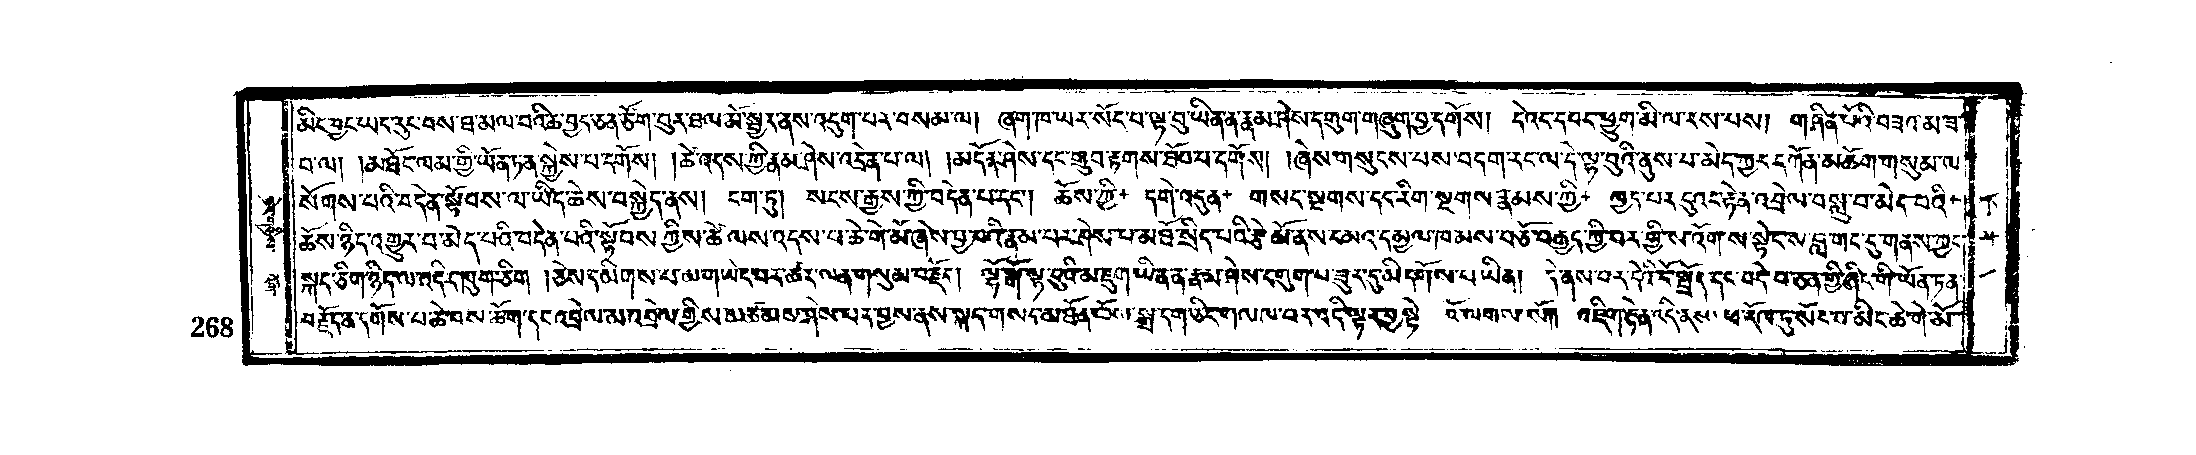མིང་བྱང་ཡང་རུང་བས་ཐ་མལ་བའི་ཆ་བྱང་ཅན་ཙོག་བུར་ཐལ་མོ་སྦྱར་ནས་འདུག་པར་བསམ་ལ། ཞག་ཁ་ཡར་སོང་བ་ལྟ་བུ་ཡིན་ན་རྣམ་ཤེས་དགུག་གཞུག་བྱ་དགོས། དེའང་དབང་ཕྱུག་མི་ལ་རས་པས། གཤིན་པོའི་བཟའ་མ་ཟ་
བ་ལ། །མཐོང་ལམ་གྱི་ཡོན་ཏན་སྐྱེས་པ་དགོས། །ཚེ་འདས་ཀྱི་རྣམ་ཤེས་འདྲེན་པ་ལ། །མངོན་ཤེས་དང་གྲུབ་རྟགས་ཐོབ་པ་དགོས། །ཞེས་གསུངས་པས་བདག་རང་ལ་དེ་ལྟ་བུའི་ནུས་པ་མེད་ཀྱང་དཀོན་མཆོག་གསུམ་ལ་
སོགས་པའི་བདེན་སྟོབས་ལ་ཡིད་ཆེས་བསྐྱེད་ནས། ངག་ཏུ། སངས་རྒྱས་ཀྱི་བདེན་པ་དང་། ཆོས་ཀྱི་+་དགེ་འདུན་+་གསང་སྔགས་དང་རིག་སྔགས་རྣམས་ཀྱི་+་ཁྱད་པར་དུའང་རྟེན་འབྲེལ་བསླུ་བ་མེད་པའི་+
ཆོས་ཉིད་འགྱུར་བ་མེད་པའི་བདེན་པའི་སྟོབས་ཀྱིས་ཚེ་ལས་འདས་པ་ཆེ་གེ་མོ་ཞེས་བྱ་བའི་རྣམ་པར་ཤེས་པ་མཐོ་སྲིད་པའི་རྩེ་མོ་ནས་དམའ་དམྱལ་ཁམས་བཅོ་བརྒྱད་ཀྱི་བར་གྱི་ས་འོག་ས་སྟེང་ས་བླ་གང་དུ་གནས་ཀྱང་
སྐད་ཅིག་ཉིད་ལ་འདིར་ཁུག་ཅིག །ཅེས་དམིགས་པ་མ་གཡེང་པར་ཚར་ལན་གསུམ་བརྗོད། ལྷོ་སྒོ་ལྟ་བུའི་མཇུག་ཡིན་ན་རྣམ་ཤེས་དགུག་པ་ཟུར་དུ་མི་དགོས་པ་ཡིན། དེ་ནས་བར་དེའི་ངོ་སྤྲོད་དང་བདེ་བ་ཅན་གྱི་ཞིང་གི་ཡོན་ཏན་
བརྗོད་ན་དགོས་པ་ཆེ་བས་ཆོག་དང་འབྲེལ་མ་འབྲེལ་གྱི་ས་མཚམས་ཤེས་པར་བྱས་ནས་སྐད་གསང་མཐོན་པོས་སྒྲ་དག་ཅིང་གསལ་བར་འདི་ལྟར་བྱ་སྟེ། འོ་ལགས་སོ། །འཇིག་རྟེན་འདི་ནས་ཕ་རོལ་ཏུ་སོང་བ་མིང་ཆེ་གེ་མོ་